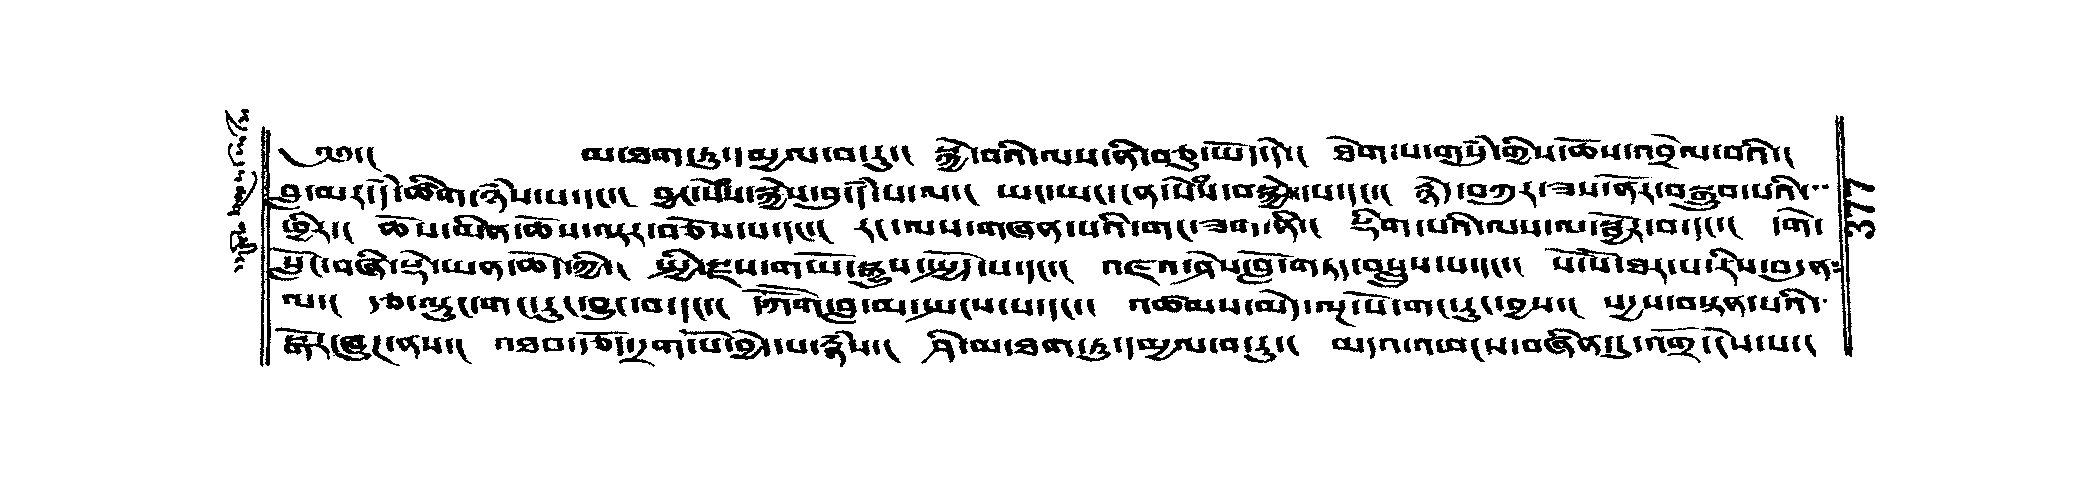མ་ཐག་ཏུ་དམྱལ་བ་རུ། །སྐྱེ་བའི་ལས་ནི་བཅུ་ཡོད་དེ། །ཐེག་པ་གསུམ་གྱིས་ཆོས་འབྲེལ་བའི། །
བླ་མར་དམ་ཚིག་ཉམས་པ་དང་། །བྱང་སེམས་སྐྱེས་བུ་དམ་པ་ལ། །ཡང་ཡང་ངན་སེམས་བསྐྱེས་པ་དང་། །རྙེད་བཀུར་ཟས་ནོར་བསྒྲུབ་པའི་
ཕྱིར། །ཆོས་མིན་ཆོས་ལྟར་བཅོས་པ་དང་། །རང་ལས་གཞན་པའི་གང་ཟག་ནི། །སྡིག་པའི་ལས་ལ་སྦྱོར་བ་དང་། །དགེ་
སློང་བཞི་སྡེ་ཡན་ཆོད་ནི། །སྤྱི་རྫས་གཡོ་སྒྱུས་སྤྱོད་པ་དང་། །འཛའ་བཤེས་བློ་གཏད་བསླུས་པ་དང་། །སོ་སོ་ཐར་པ་རིགས་བདུན་
ལ། །རྩ་ལྟུང་གང་རུང་བྱུང་བ་དང་། །དཀོན་མཆོག་བླ་མ་སྤངས་པ་དང་། །མཚམས་མེད་ལྔ་པོ་གང་རུང་བྱས། །སངས་རྒྱས་བསྟན་པའི་
སྒོར་ཞུགས་ནས། །འཐབ་རྩོད་དྲག་པོ་བྱེད་པ་རྣམས། །ཤི་མ་ཐག་ཏུ་དམྱལ་བ་རུ། །མདའ་འཕངས་བཞིན་དུ་འགྲོ་ངེས་པ།